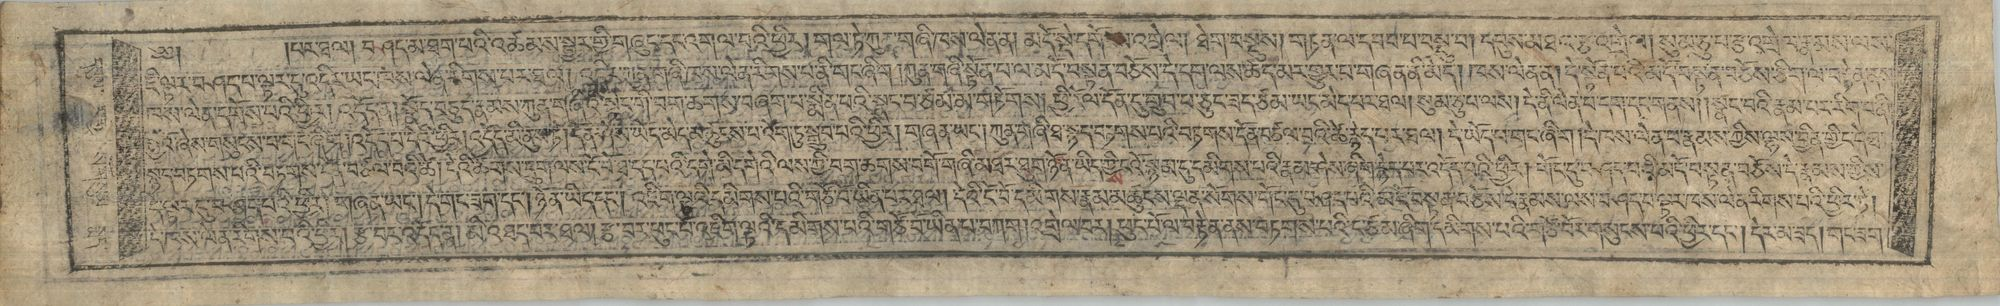༄༅། །པར་ཐལ། བཤད་མ་ཐག་པའི་འཚམས་སྦྱར་གྱི་གཞུང་དང་འགལ་བའི་ཕྱིར། གལ་ཏེ་ཀུན་གཞི་ཁས་ལེན་ན། མདོ་སྡེ་དགོངས་འགྲེལ། ཐེག་བསྡུས། གཏན་ལ་དབབ་པ་བསྡུ་བ། དབུས་མཐའ་རྩ་འགྲེལ། སུམ་ཅུ་པ་རྩ་འགྲེལ་རྣམས་ལས་
ཇི་ལྟར་བཤད་པ་ལྟར་དུ་འདིར་ཡང་ཁས་ལེན་རིགས་པར་ཐལ། འདིར་ཀུན་གཞི་ཁས་ལེན་རིགས་པ་ནི་གང་ཞིག །ཀུན་གཞི་སྟོན་པ་ལ་མདོ་བསྟན་བཅོས་དེ་དག་ལས་ཚད་མར་གྱུར་པ་གཞན་ནི་མེད། ཁས་ལེན་ན། དེ་སྟོན་པའི་མདོ་བསྟན་བཅོས་ཅིག་ལ་བརྟེན་ནས་
ཁས་ལེན་དགོས་པའི་ཕྱིར། འདོད་ན། སྣོད་བཅུད་རྣམས་ཀུན་གཞིའི་སྟེང་གི་བག་ཆགས་བཞག་པ་སྨིན་པའི་སྣང་བ་ཙམ་མ་གཏོགས། ཕྱི་རོལ་དོན་དུ་གྲུབ་པ་ཅུང་ཟད་ཙམ་ཡང་མེད་པར་ཐལ། སུམ་ཅུ་པ་ལས། དེ་ནི་ལེན་པ་དག་དང་གནས། །སྣང་བའི་རྣམ་པར་རིག་པ་ནི།
སྐྱེའོ་ཞེས་གསུངས་པ་གང་ཞིག །འདོད་པ་དེའི་ཕྱིར། འདོད་མི་ནུས་ཏེ། དོན་ཤེས་ཡོད་མེད་མཚུངས་པ་འོག་ཏུ་སྒྲུབ་པའི་ཕྱིར། གཞན་ཡང་། ཀུན་གཞི་ཐ་སྙད་བཏགས་པའི་བཏགས་དོན་བཙལ་བའི་ཚེ་རྙེད་པར་ཐལ། དེ་ཡོད་པ་གང་ཞིག །དེ་ཁས་ལེན་པ་རྣམས་ཀྱིས་ལྷས་བྱིན་གྱི་ང་དེ་ཐ་
སྙད་བཏགས་པའི་བཏགས་དོན་བཙལ་བའི་ཚེ། དེའི་ཚོགས་དྲུག་ལས་ངོ་བོ་ཐ་དད་པའི་དགེ་མི་དགེའི་ལས་ཀྱི་བག་ཆགས་བགོ་གཞི་མཐར་ཐུག་ཉོན་ཡིད་ཀྱིས་ངའོ་སྙམ་དུ་དམིགས་པའི་རྣམ་ཤེས་ཞིག་རྙེད་པར་འདོད་པའི་ཕྱིར། གོང་དུ་བཤད་པའི་མདོ་བསྟན་བཅོས་དེ་རྣམས་ཀྱིས་
དེ་ལྟར་དུ་བཤད་པའི་ཕྱིར། གཞན་ཡང་། དེ་གང་ཟག་དང་། ཉོན་ཡིད་དང་། འཇིག་ལྟའི་དམིགས་པའི་གཙོ་བོ་ཡིན་པར་ཐལ། དེའི་ངོ་བོ་དམིགས་རྣམ་མཚུངས་ལྡན་སོགས་གོང་དུ་བཤད་པའི་མདོ་བསྟན་བཅོས་དེ་རྣམས་ལས་བཤད་པ་ལྟར་ཁས་ལེན་རིགས་པའི་ཕྱིར་ཏེ།
དེ་ཁས་ལེན་རིགས་པའི་ཕྱིར། རྩ་བར་འདོད་ན། མི་འཐད་པར་ཐལ། རྩ་བར་ཕུང་པོ་འཇིག་ལྟའི་དམིགས་པའི་གཙོ་བོ་ཡིན་པ་བཀག །འགྲེལ་པར། ?་ཕུང་པོ་ལ་བརྟེན་ནས་བཏགས་པའི་ང་ཙམ་ཞིག་དམིགས་པའི་གཙོ་བོར་གསུངས་པའི་ཕྱིར་དང་། དེར་མ་ཟད། གང་ཟག་